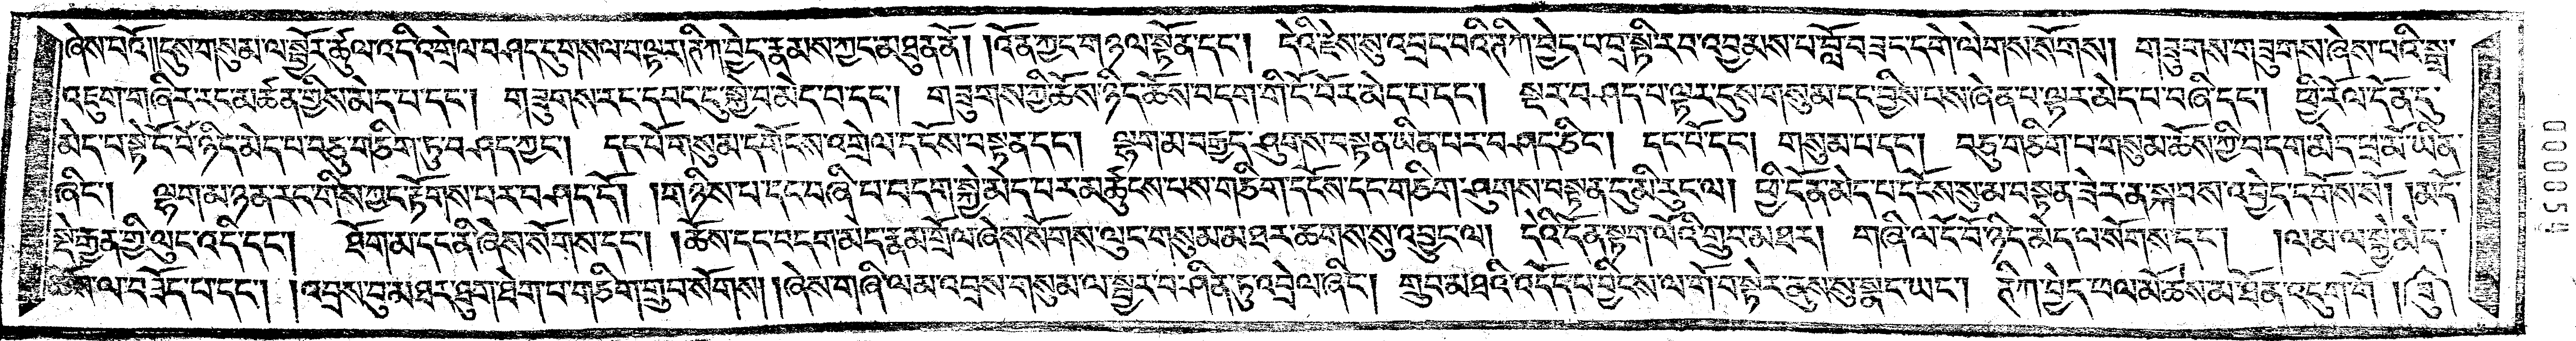ཞེས་པའོ། །དུས་གསུམ་ལ་སྦྱོར་ཚུལ་འདི་འགྲེལ་བཤད་དུ་གསལ་བ་ལྟར། ཊིཀ་བྱེད་རྣམས་ཀྱང་མཐུན་ནོ། །འོན་ཀྱང་གཉལ་སྟོན་དང་། དེའི་རྗེས་སུ་འབྲང་བའི་ཊིཀ་བྱེད་པ་བྲ་སྟི་རབ་འབྱམས་པ་བློ་བཟང་དགེ་ལེགས་སོགས། གཟུགས་གཟུགས་ཞེས་པའི་སྒྲས་
འཇུག་གཞིར་རང་མཚན་གྱིས་མེད་པ་དང་། གཟུགས་རང་དབང་དུ་སྐྱེ་བ་མེད་པ་དང་། གཟུགས་ཀྱི་ཆོས་ཉིད་ཆོས་བདག་གི་ངོ་བོར་མེད་པ་དང་། སྔར་བཤད་པ་ལྟར་དུས་གསུམ་དང་བྱིས་པས་ཞེན་པ་ལྟར་མེད་པ་བཞི་དང་། ཕྱི་རོལ་དོན་དུ་
མེད་པ་སྟེ་ངོ་བོ་ཉིད་མེད་པ་བཅུ་གཅིག་ཏུ་བཤད་ཀྱང་། དང་པོ་གསུམ་དགོངས་འགྲེལ་དངོས་བསྟན་དང་། ལྷག་མ་བརྒྱད་ཤུགས་བསྟན་ཡིན་པར་བཤད་ཅིང་། དང་པོ་དང་། གསུམ་པ་དང་། བཅུ་གཅིག་པ་གསུམ་ཆོས་ཀྱི་བདག་མེད་ཕྲ་མོ་ཡིན་
ཞིང་། ལྷག་མ་ཉན་རང་གིས་ཀྱང་རྟོགས་པར་བཤད་དོ། །གཉིས་པ་དང་བཞི་པ་བདག་སྐྱེ་མེད་པར་མཚུངས་པས་གཅིག་དངོས་དང་གཅིག་ཤུགས་བསྟན་དུ་མི་རུང་ལ། ཕྱི་དོན་མེད་པ་དངོས་སུ་མ་བསྟན་ཟེར་ན་སྐབས་འབྱེད་དགོས་སོ། །མདོ་
སྡེ་རྒྱན་གྱི་ལུང་འདི་དང་། ཐོག་མ་དང་ནི་ཞེས་སོགས་དང་། །ཆོས་དང་བདག་མེད་རྣམ་གྲོལ་ཞེས་སོགས་ལུང་གསུམ་མཐར་ཆགས་སུ་འབྱུང་ལ། དེའི་དོན་སྟག་ལོའི་གྲུབ་མཐར། གཞི་ལ་ངོ་བོ་ཉིད་མེད་ལ་སོགས་དང་། །ལམ་ལ་སྐྱེ་མེད་
ཆོས་ལ་བཟོད་པ་དང་། །འབྲས་བུ་མཐར་ཐུག་ཐེག་པ་གཅིག་གྲུབ་སོགས། །ཞེས་གཞི་ལམ་འབྲས་གསུམ་ལ་སྦྱར་བ་ཤིན་ཏུ་འབྲེལ་ཞིང་། གྲུབ་མཐའི་འདོད་པ་བྱིངས་ལ་གོ་བ་སྟེར་ནུས་སུ་སྣང་ཡང་། ཊིཀ་བྱེད་ཕལ་མོ་ཆེས་མ་ཐོན་འདུག་གོ །༼ཟུ༽